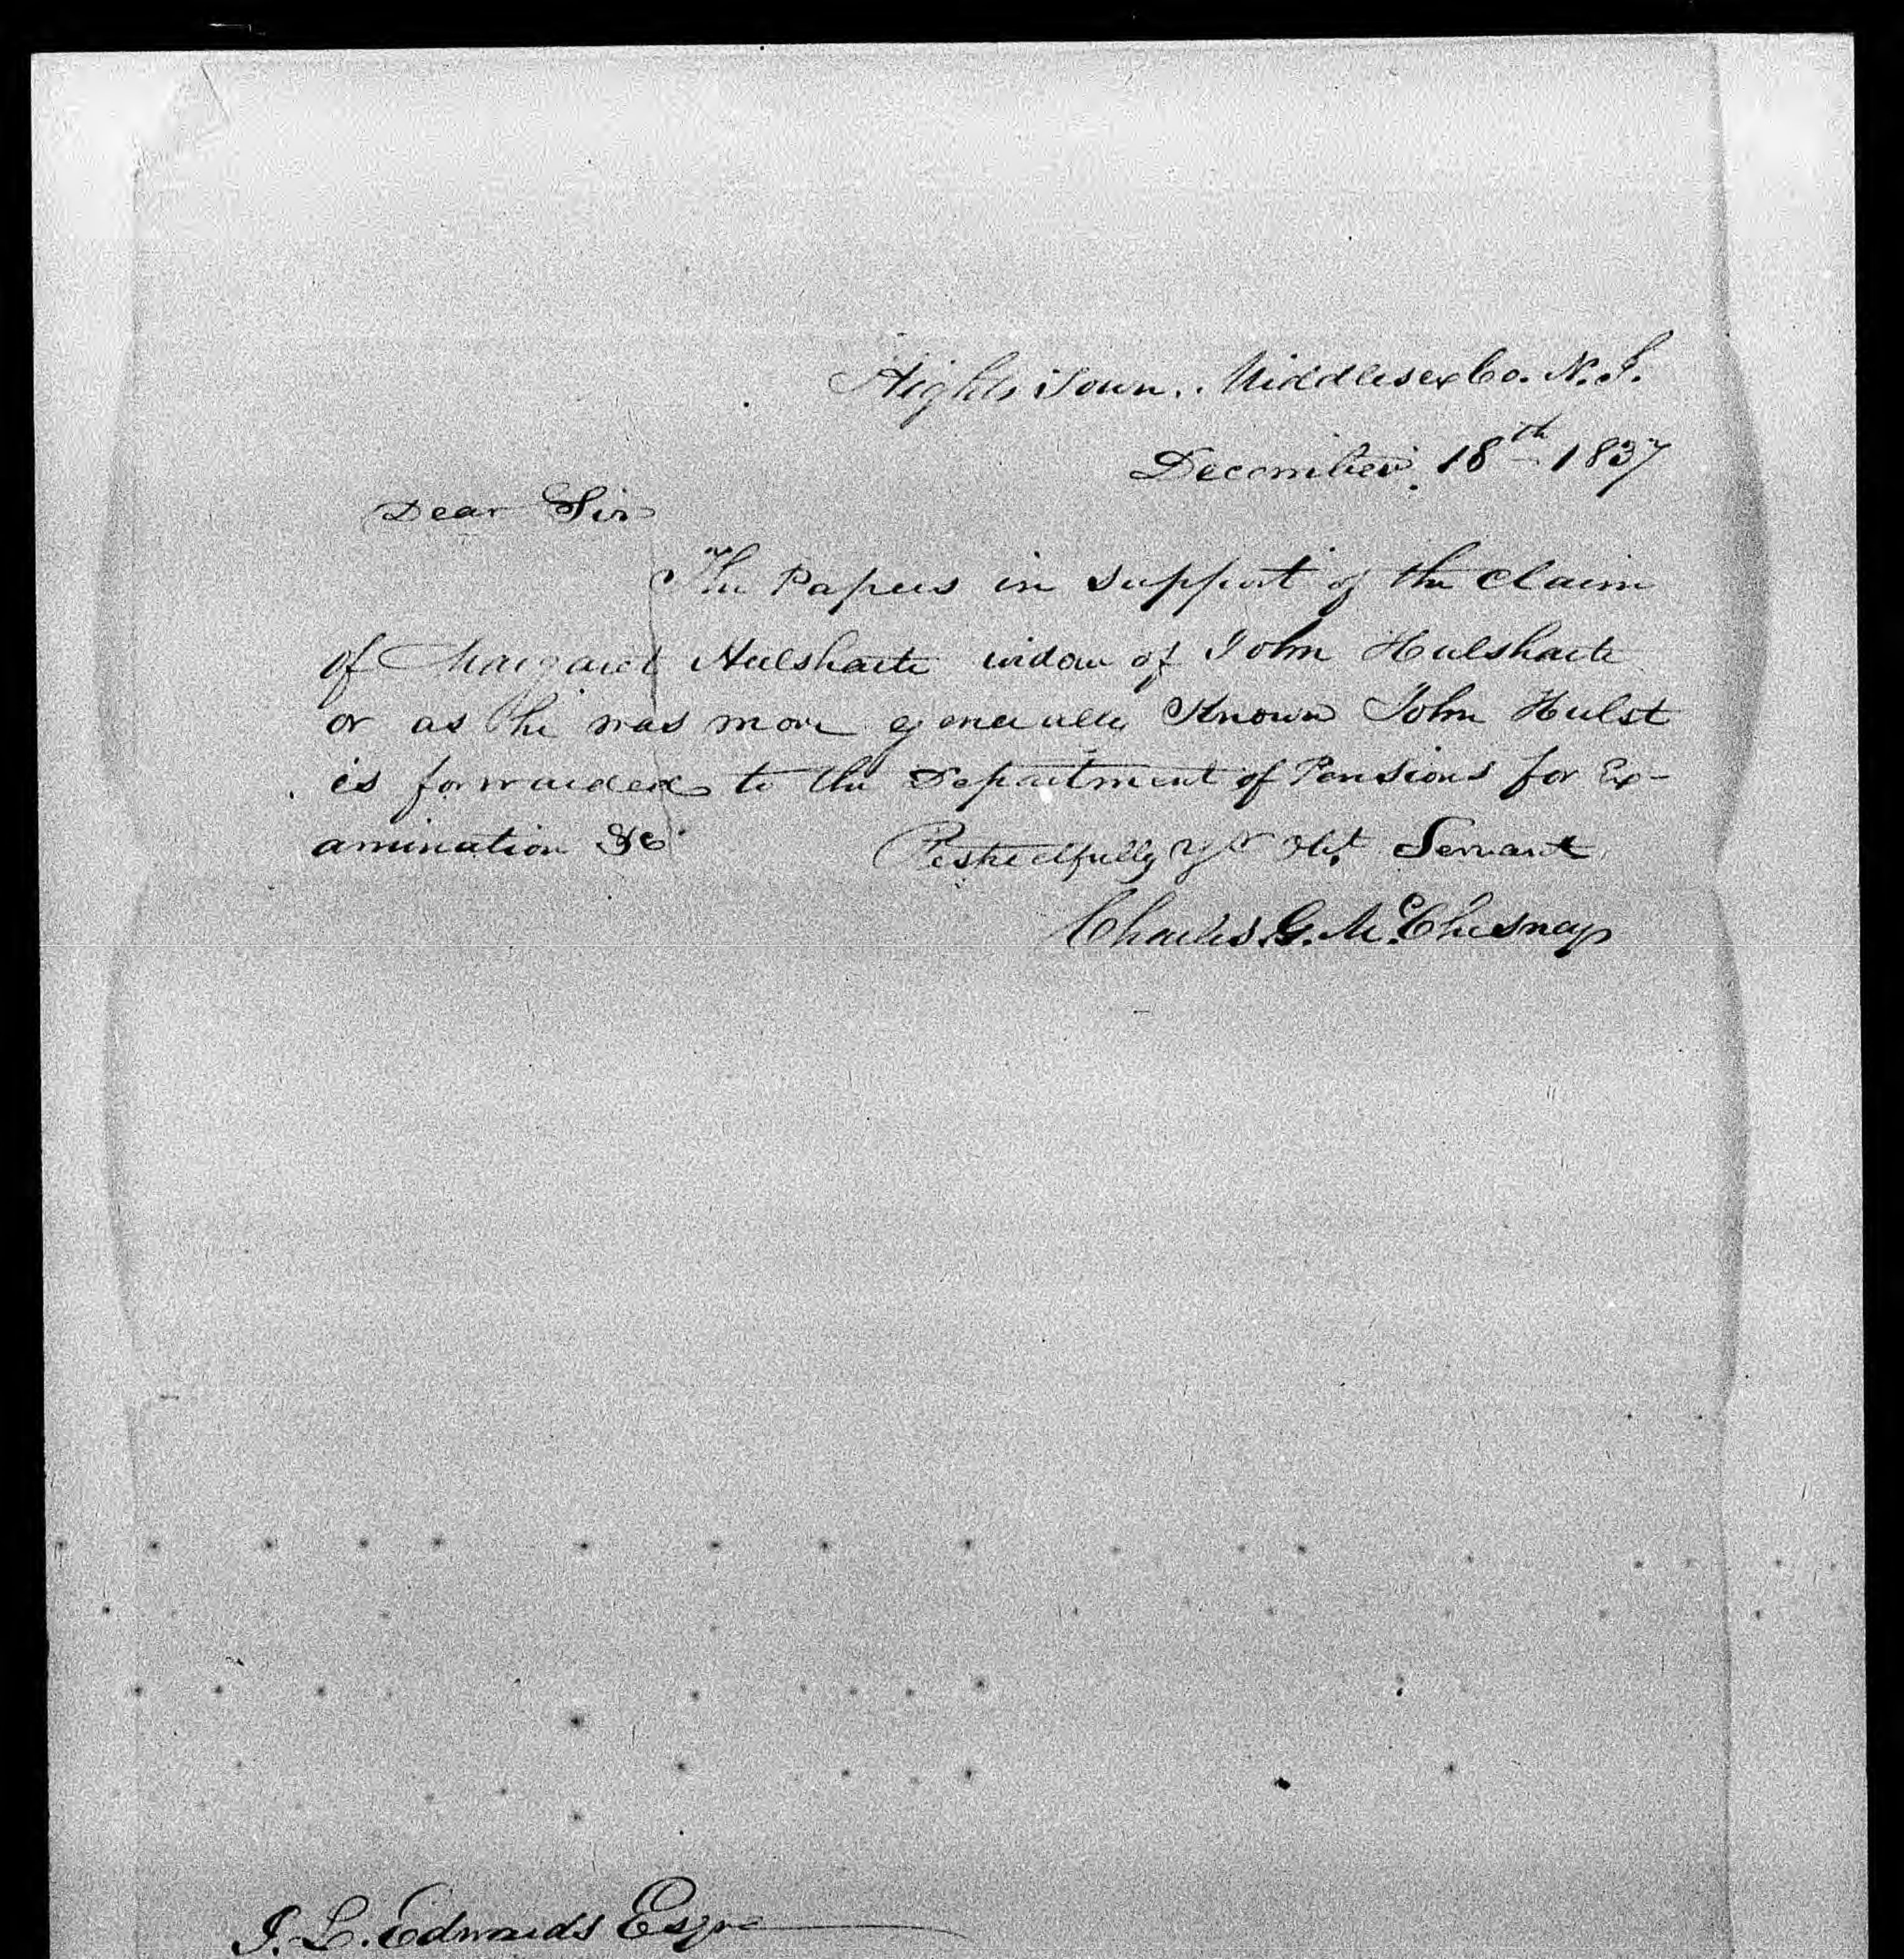Heights Town, Middlesex Co. N.J.
December 18th 1837
Dear Sir
The papers in support of the claim of Margaret Hulsharte widow of John Hulsharte or as he was more generally Known John Hulst is forwarded to the Department of Pensions for Examination &c.
Respectfully yr obt. Servant
Charles G, McChesney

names: Margaret Hulshart, J L Edwards, Charles G Mc Chesney, John Hulst, John Hulsharte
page: 27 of 34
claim: widow's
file: W. 940, John Hulshart, New Jersey